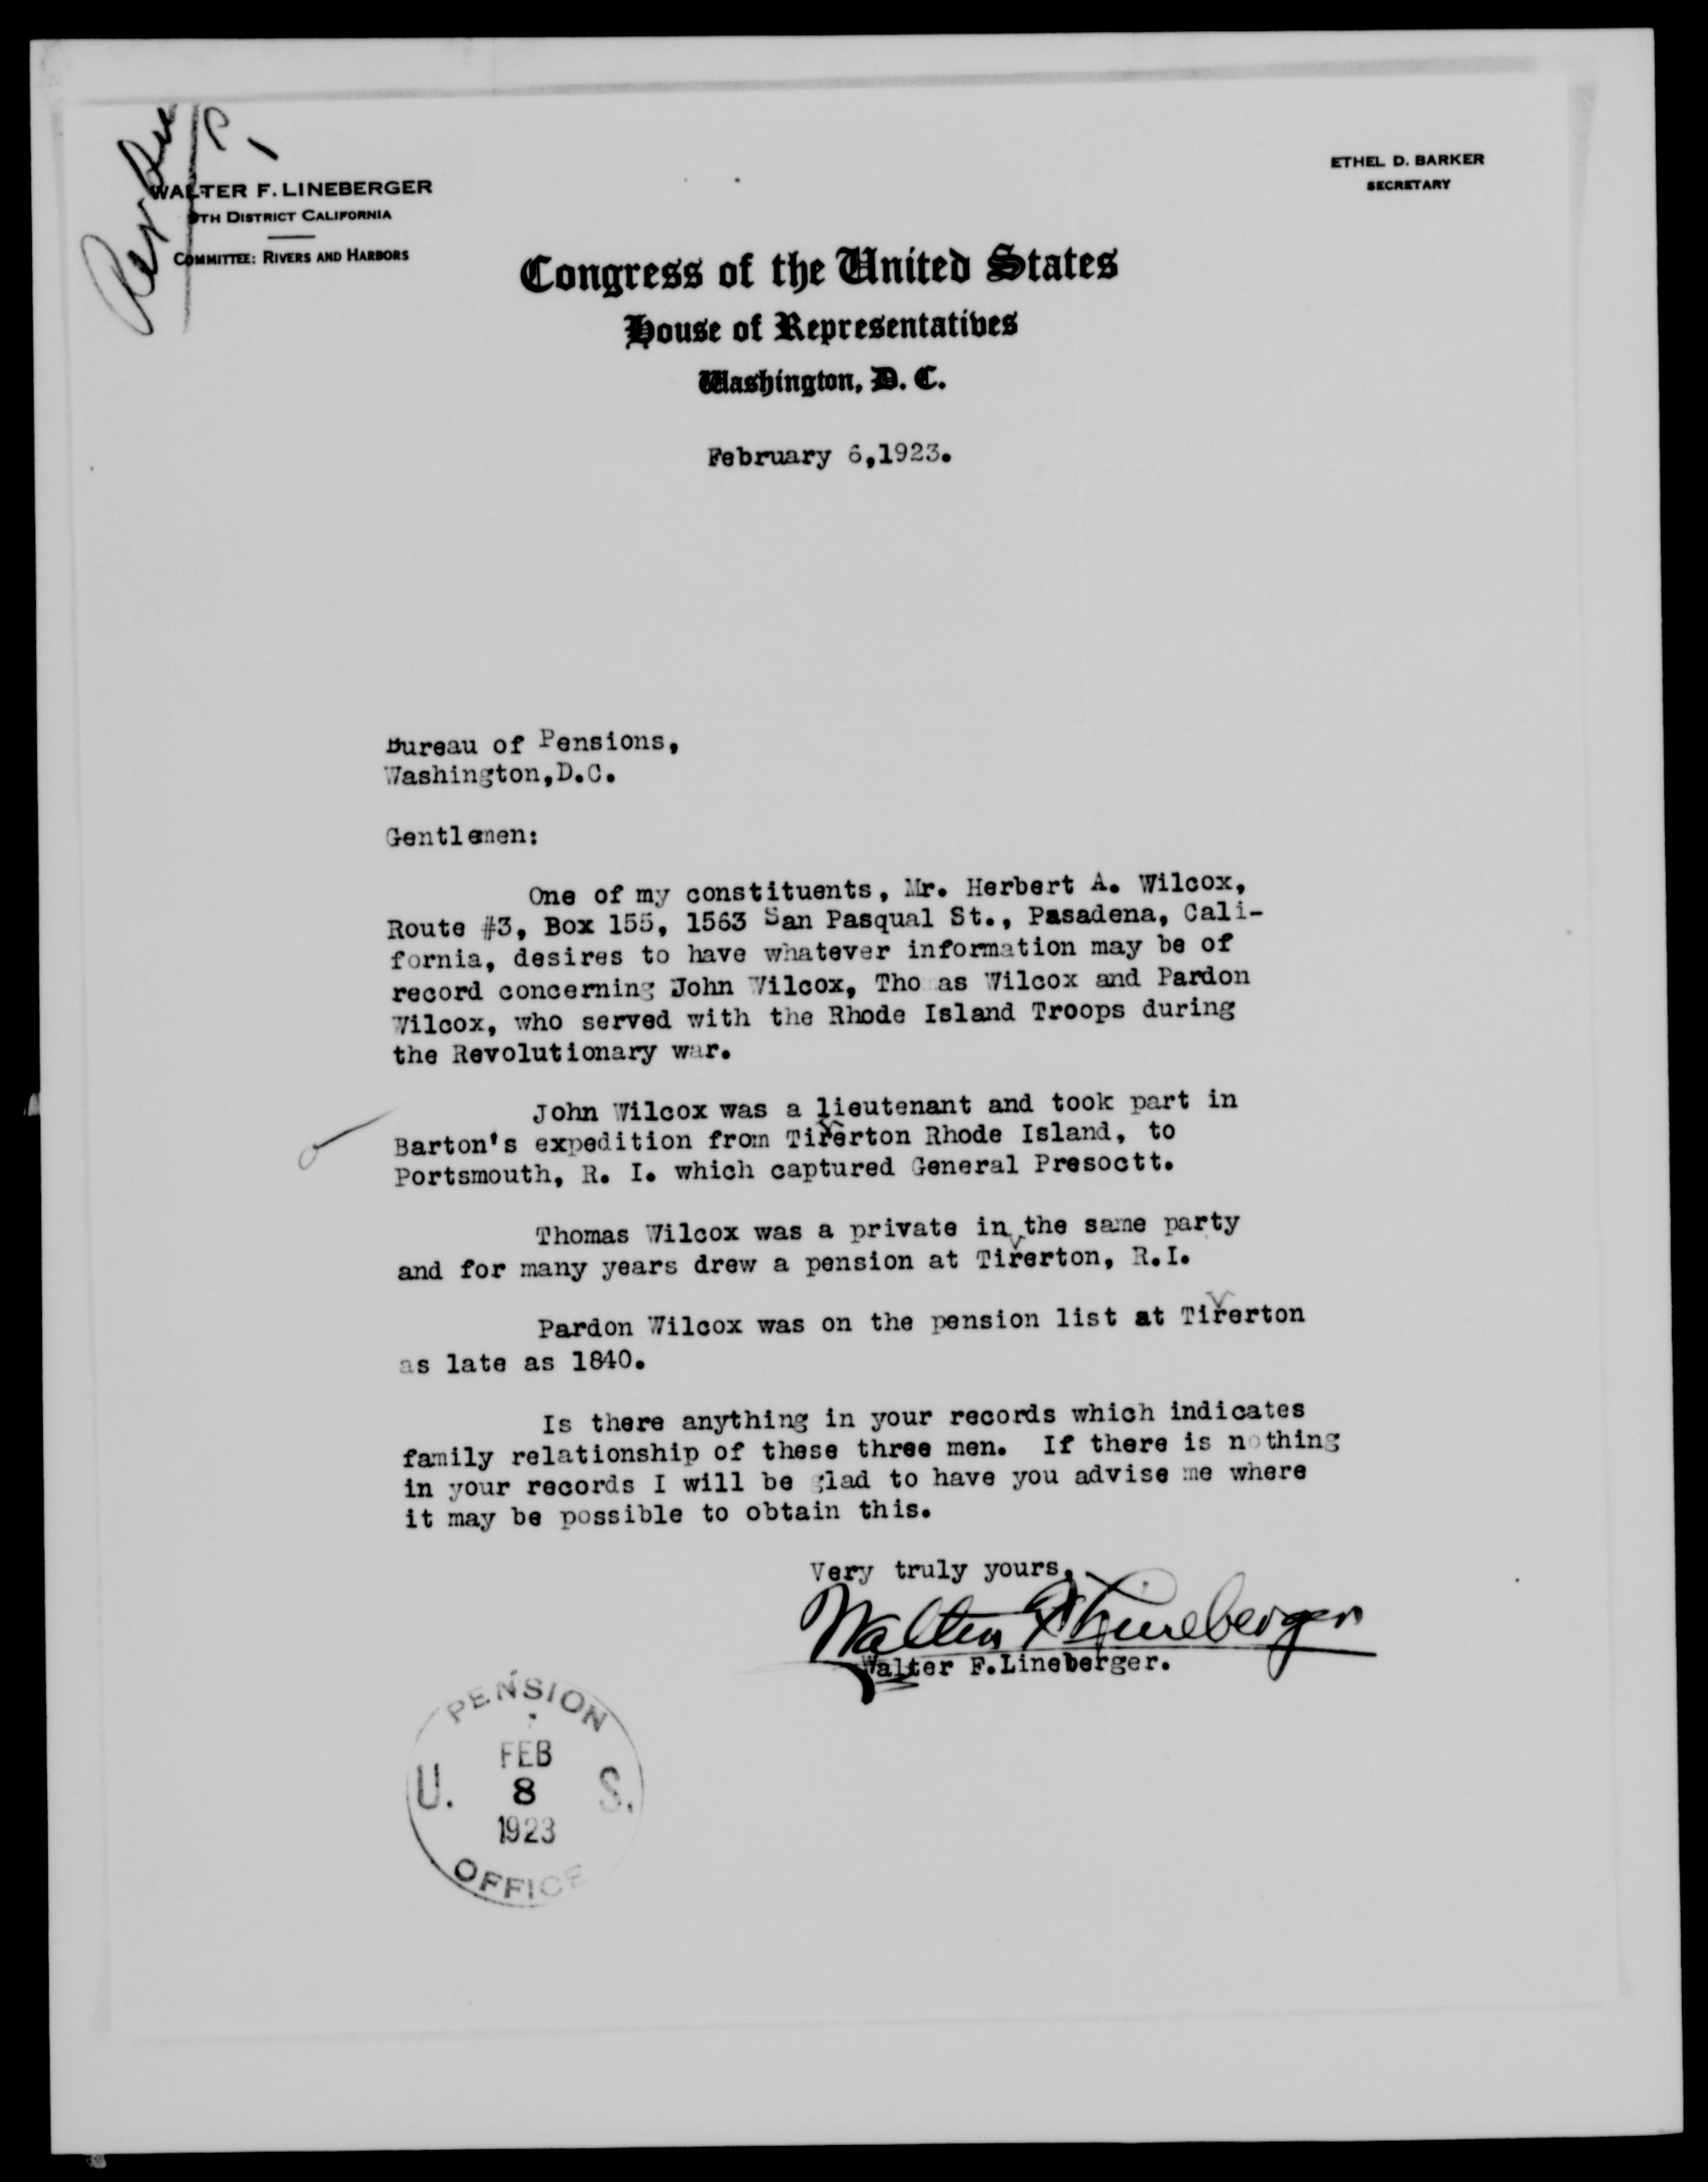Reviewed
Walter F. Lineberger
9TH  DISTRICT CALIFORNIA
COMMITTE: RIVERS AND HARBORS
Congress of the United States
Washington, D. C.
February 6, 1923.

Bureau of Pensions,
Washington, D.C.
Gentlemen:
One of my constituents, Mr. Herbert A. Wilcox,
Route 3, Box 155, 1563 San Pasqual St., Pasadena, California, desires to have whatever information may be of
record concerning John Wilcox, Thomas Willcox and Pardon record concerning John Wilcox, who served with the Rhode Island Troops during the
Revolutionary war.
John Wilcox was a lieutenant and took part in
Barton's expedition from Tiverton Rhode Island, to
Portsmouth, R. I. which captured General Presoctt.
Thomas Wilcox was a private in the same party
and for many years drew a pension at Tiverton, R.I.
Pardon Wilcox was on the pension list at Tiverton
as late as 1840.

Is there anything in your records which indicates
family relationship of these three men. If there is nothing
in your records I will be glad to have you advise me where
it may be possible to obtain this

Very truly yours,
Walter F. Lineberger [Signature]
Walter F. Lineberger

[Date stamp and office]
U.S. Pension Office
Feb 8 1923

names: Presoctt, Walter F Lineberger, Herbert A Wilcox, Thomas Wilcox, Ethel D Barker, Pardon Wilcox, John Wilcox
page: 38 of 39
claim: widow's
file: W. 26046, Thomas Willcox, R.I.